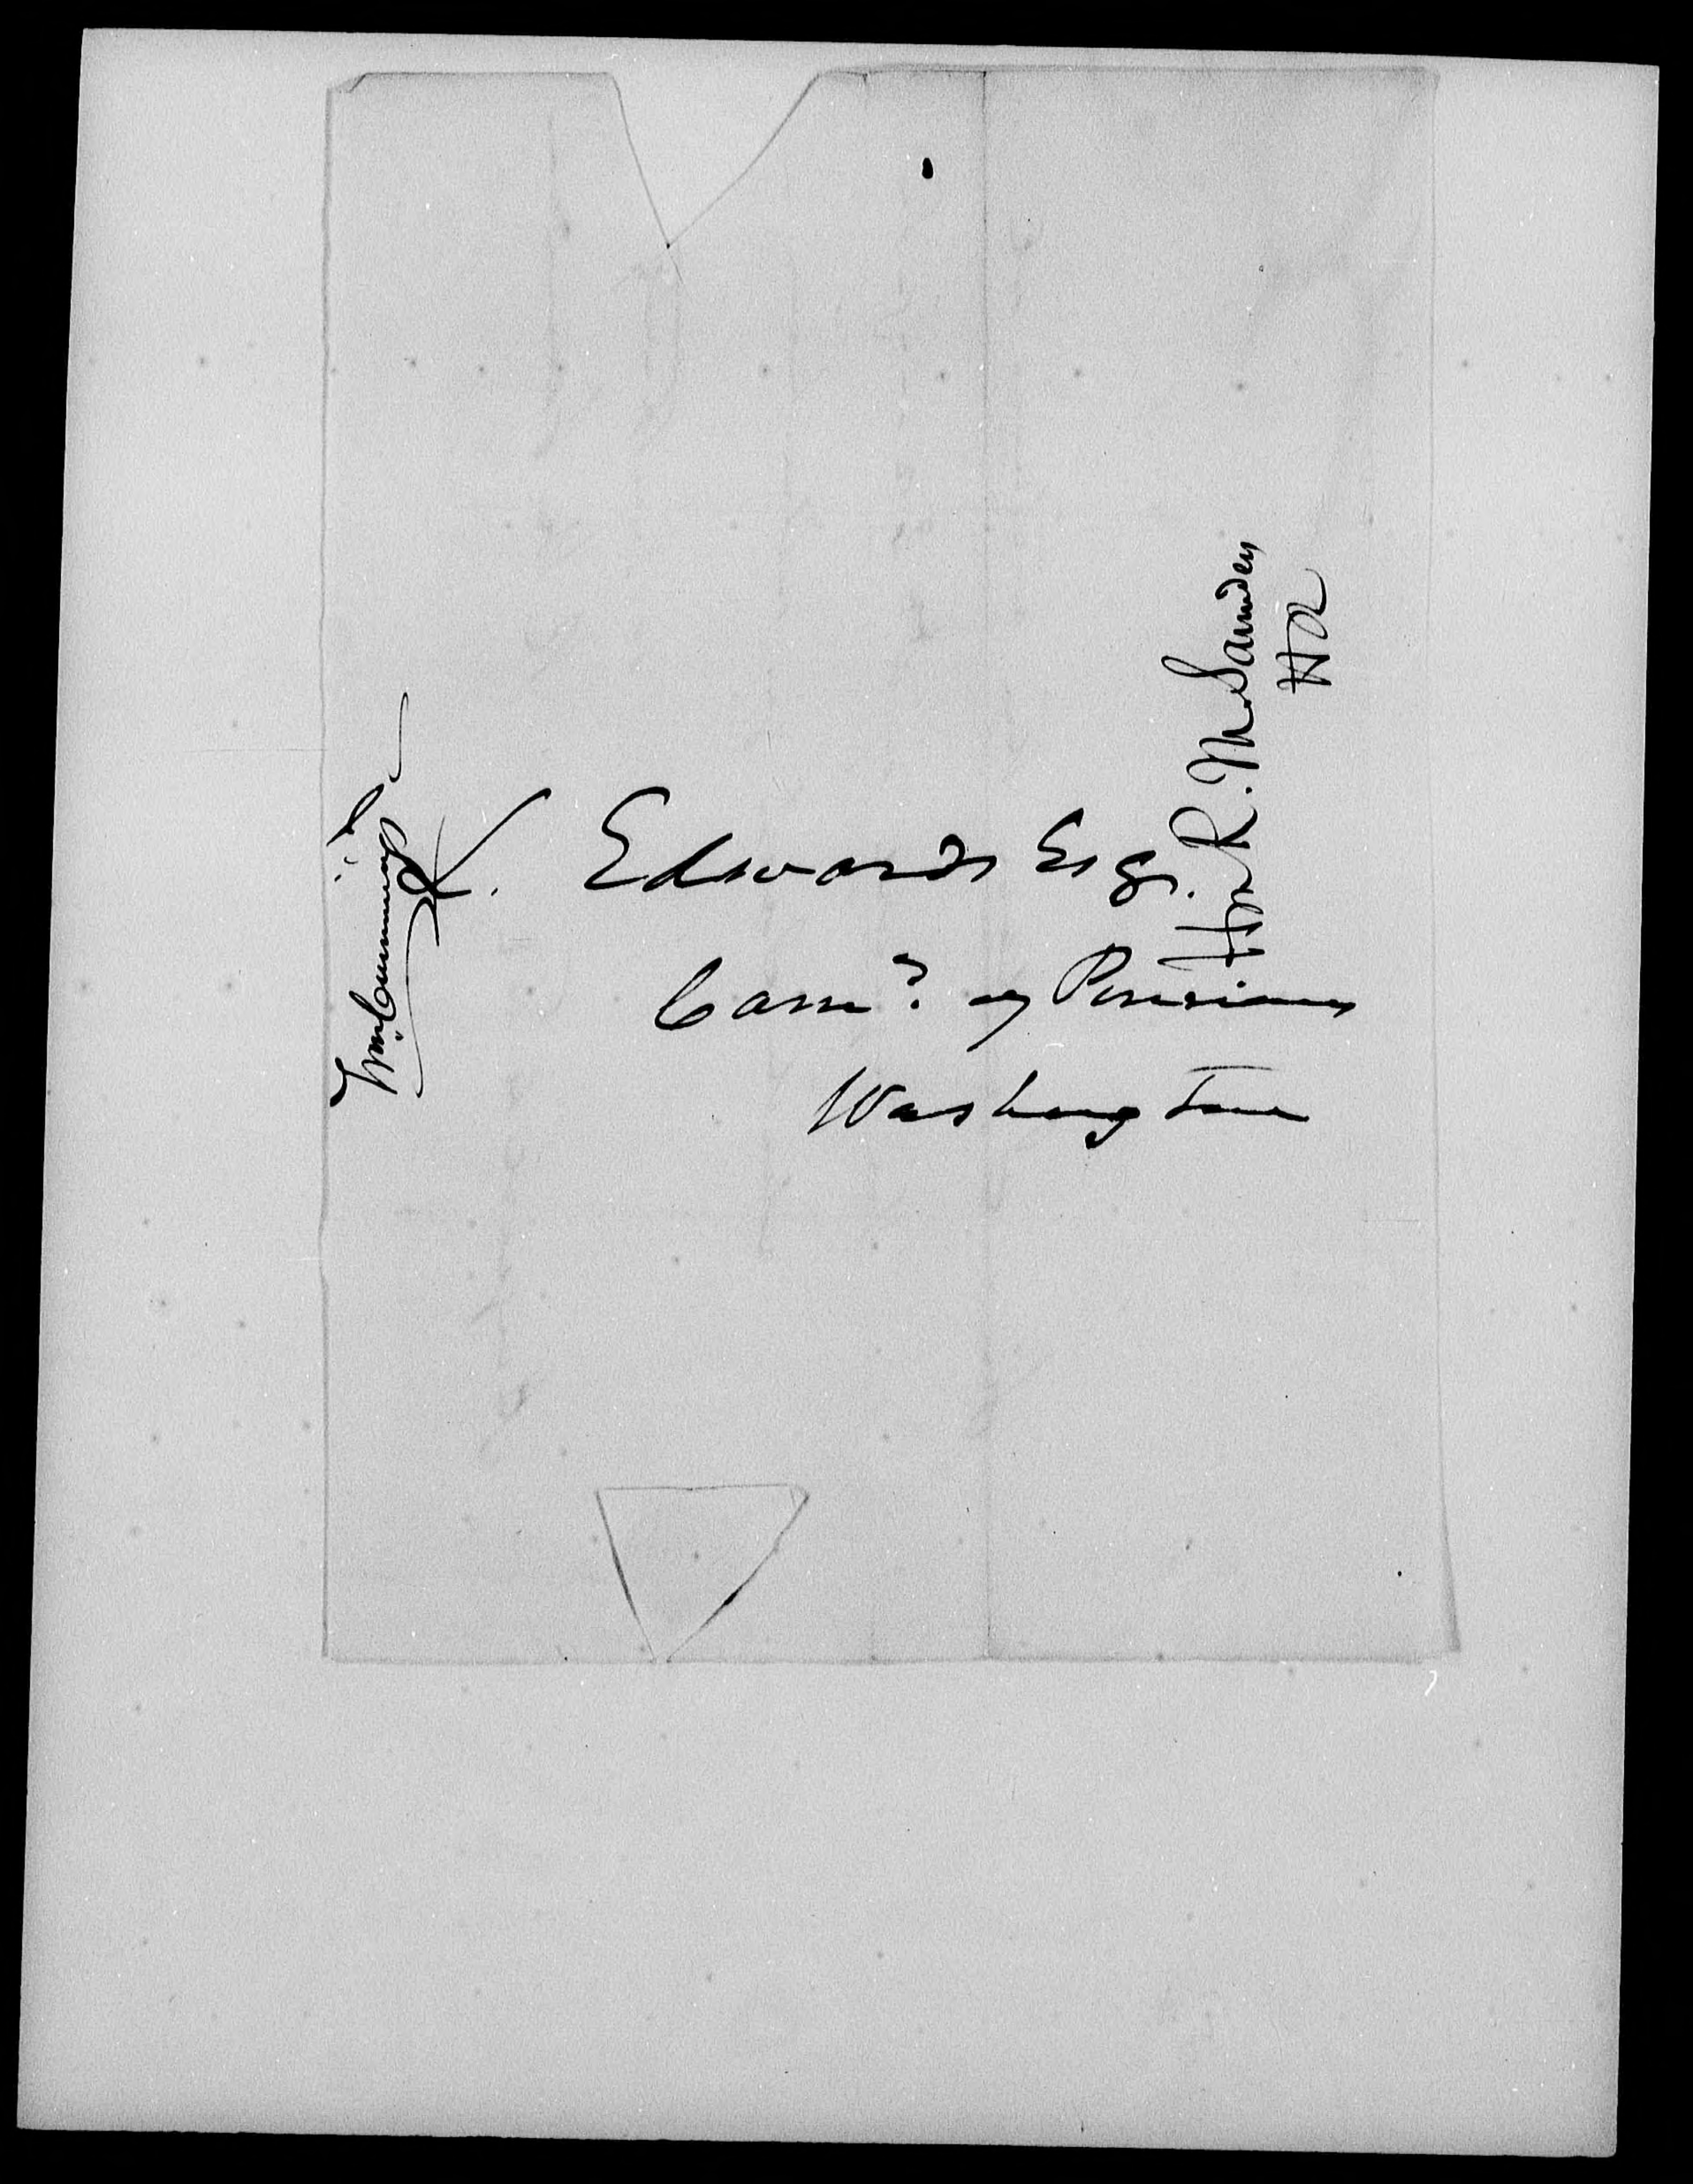[Handwritten document with a V-shaped tear along the upper edge, and a triangular-shaped small piece of paper located approximately opposite of the tear, but along the bottom edge.]

[Along the left paper edge, there is written perpendicularly:] Wm. Cummings [with a flourish underneath.]

[First initial is only partially visible, since it is cut off at left margin, but entire line entry probably is:] J. L. Edwards Esq. [or Esqr.] 
Cam ? ary [possibly meaning Commissioner ? of] Pensions
Washington

[Along the right side paper edge, there is written perpendicularly:]  
Hon R. M. Saunders
HR [possibly meaning House of Representatives]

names: Wm Cummings, J L Edwards, R M Saunders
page: 21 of 145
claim: survivor's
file: S. 8265, William Cumming, N.C.